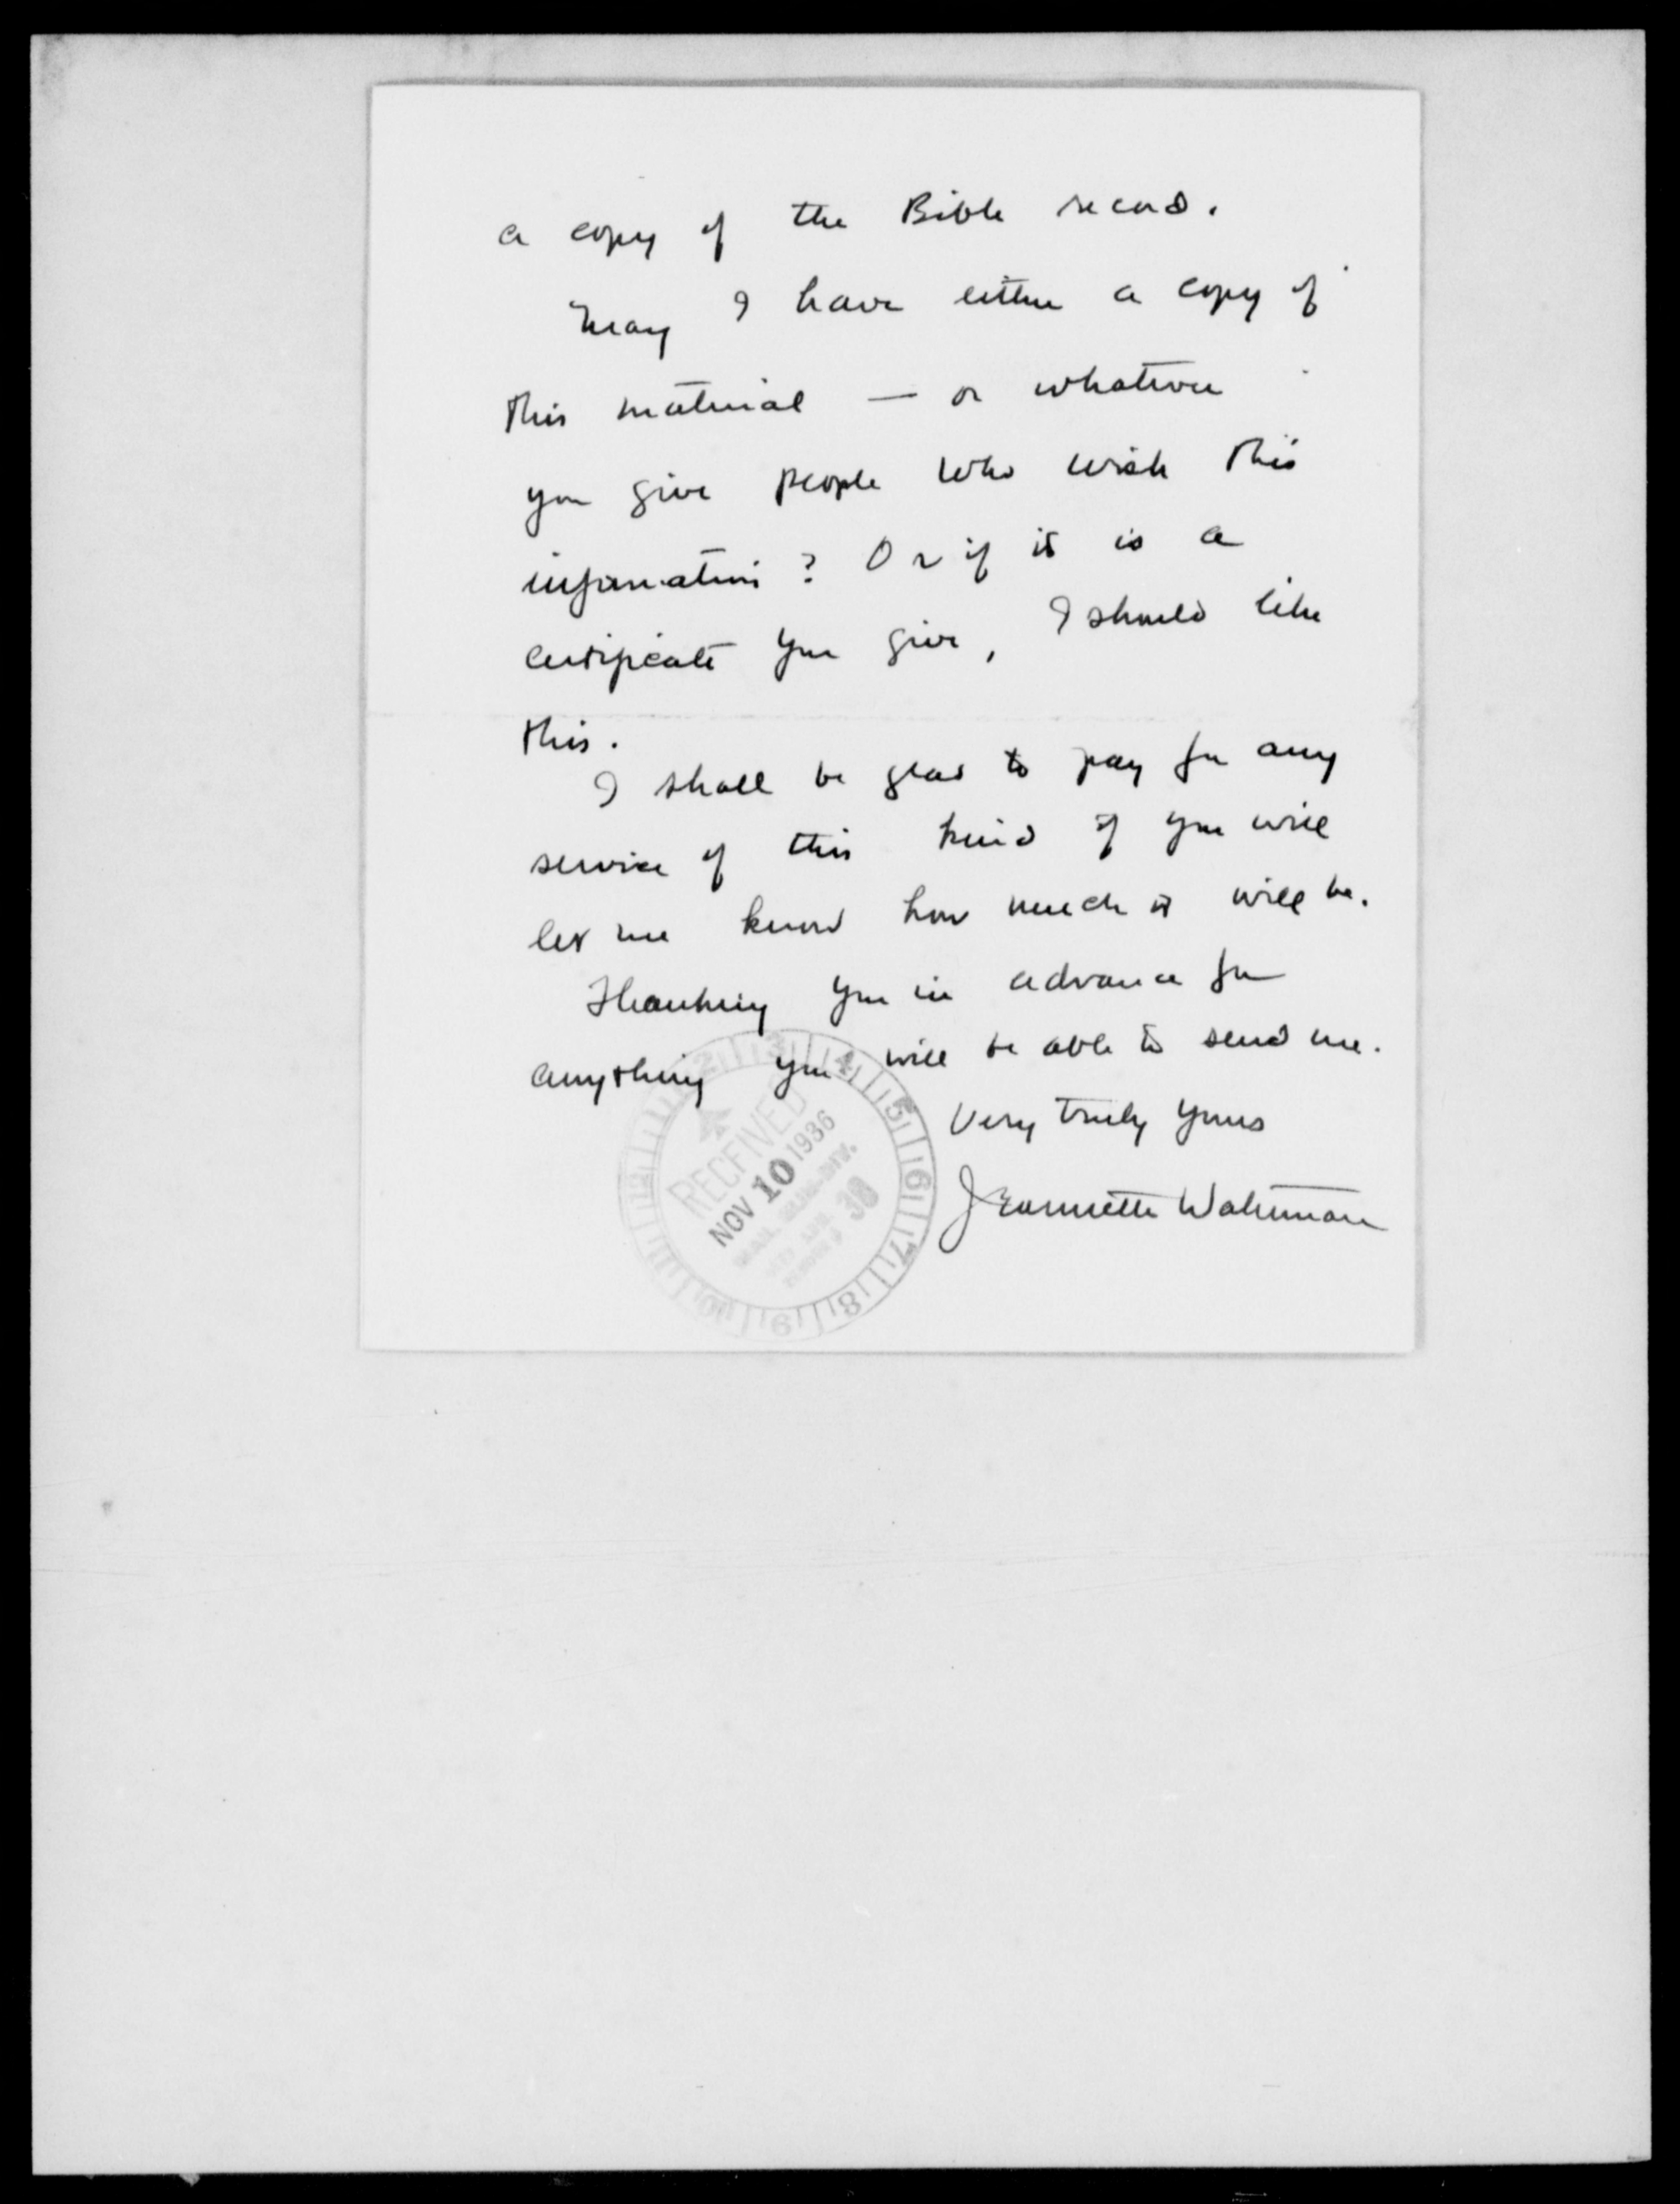a copy of the Bible record.
     May I have either a copy of this material ----
or whatever you give people who wish this information? Or if it is a certificate you give, I should like this.
      I shall be glad to pay for any service of this kind if you will let me know how much it will be.
       Thanking you in advance for anything you will be able to send us.
                  Very truly yours
                   Jeannette Waterman

[stamped] RECEIVED
NOV 10 1936
[    ] SUB-DIV.
[   ] ADM
[       ] # 30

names: Jeannette Waterman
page: 42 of 50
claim: widow's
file: W. 15814, Glading Waterman, Conn. Conn. Sea Service Continental